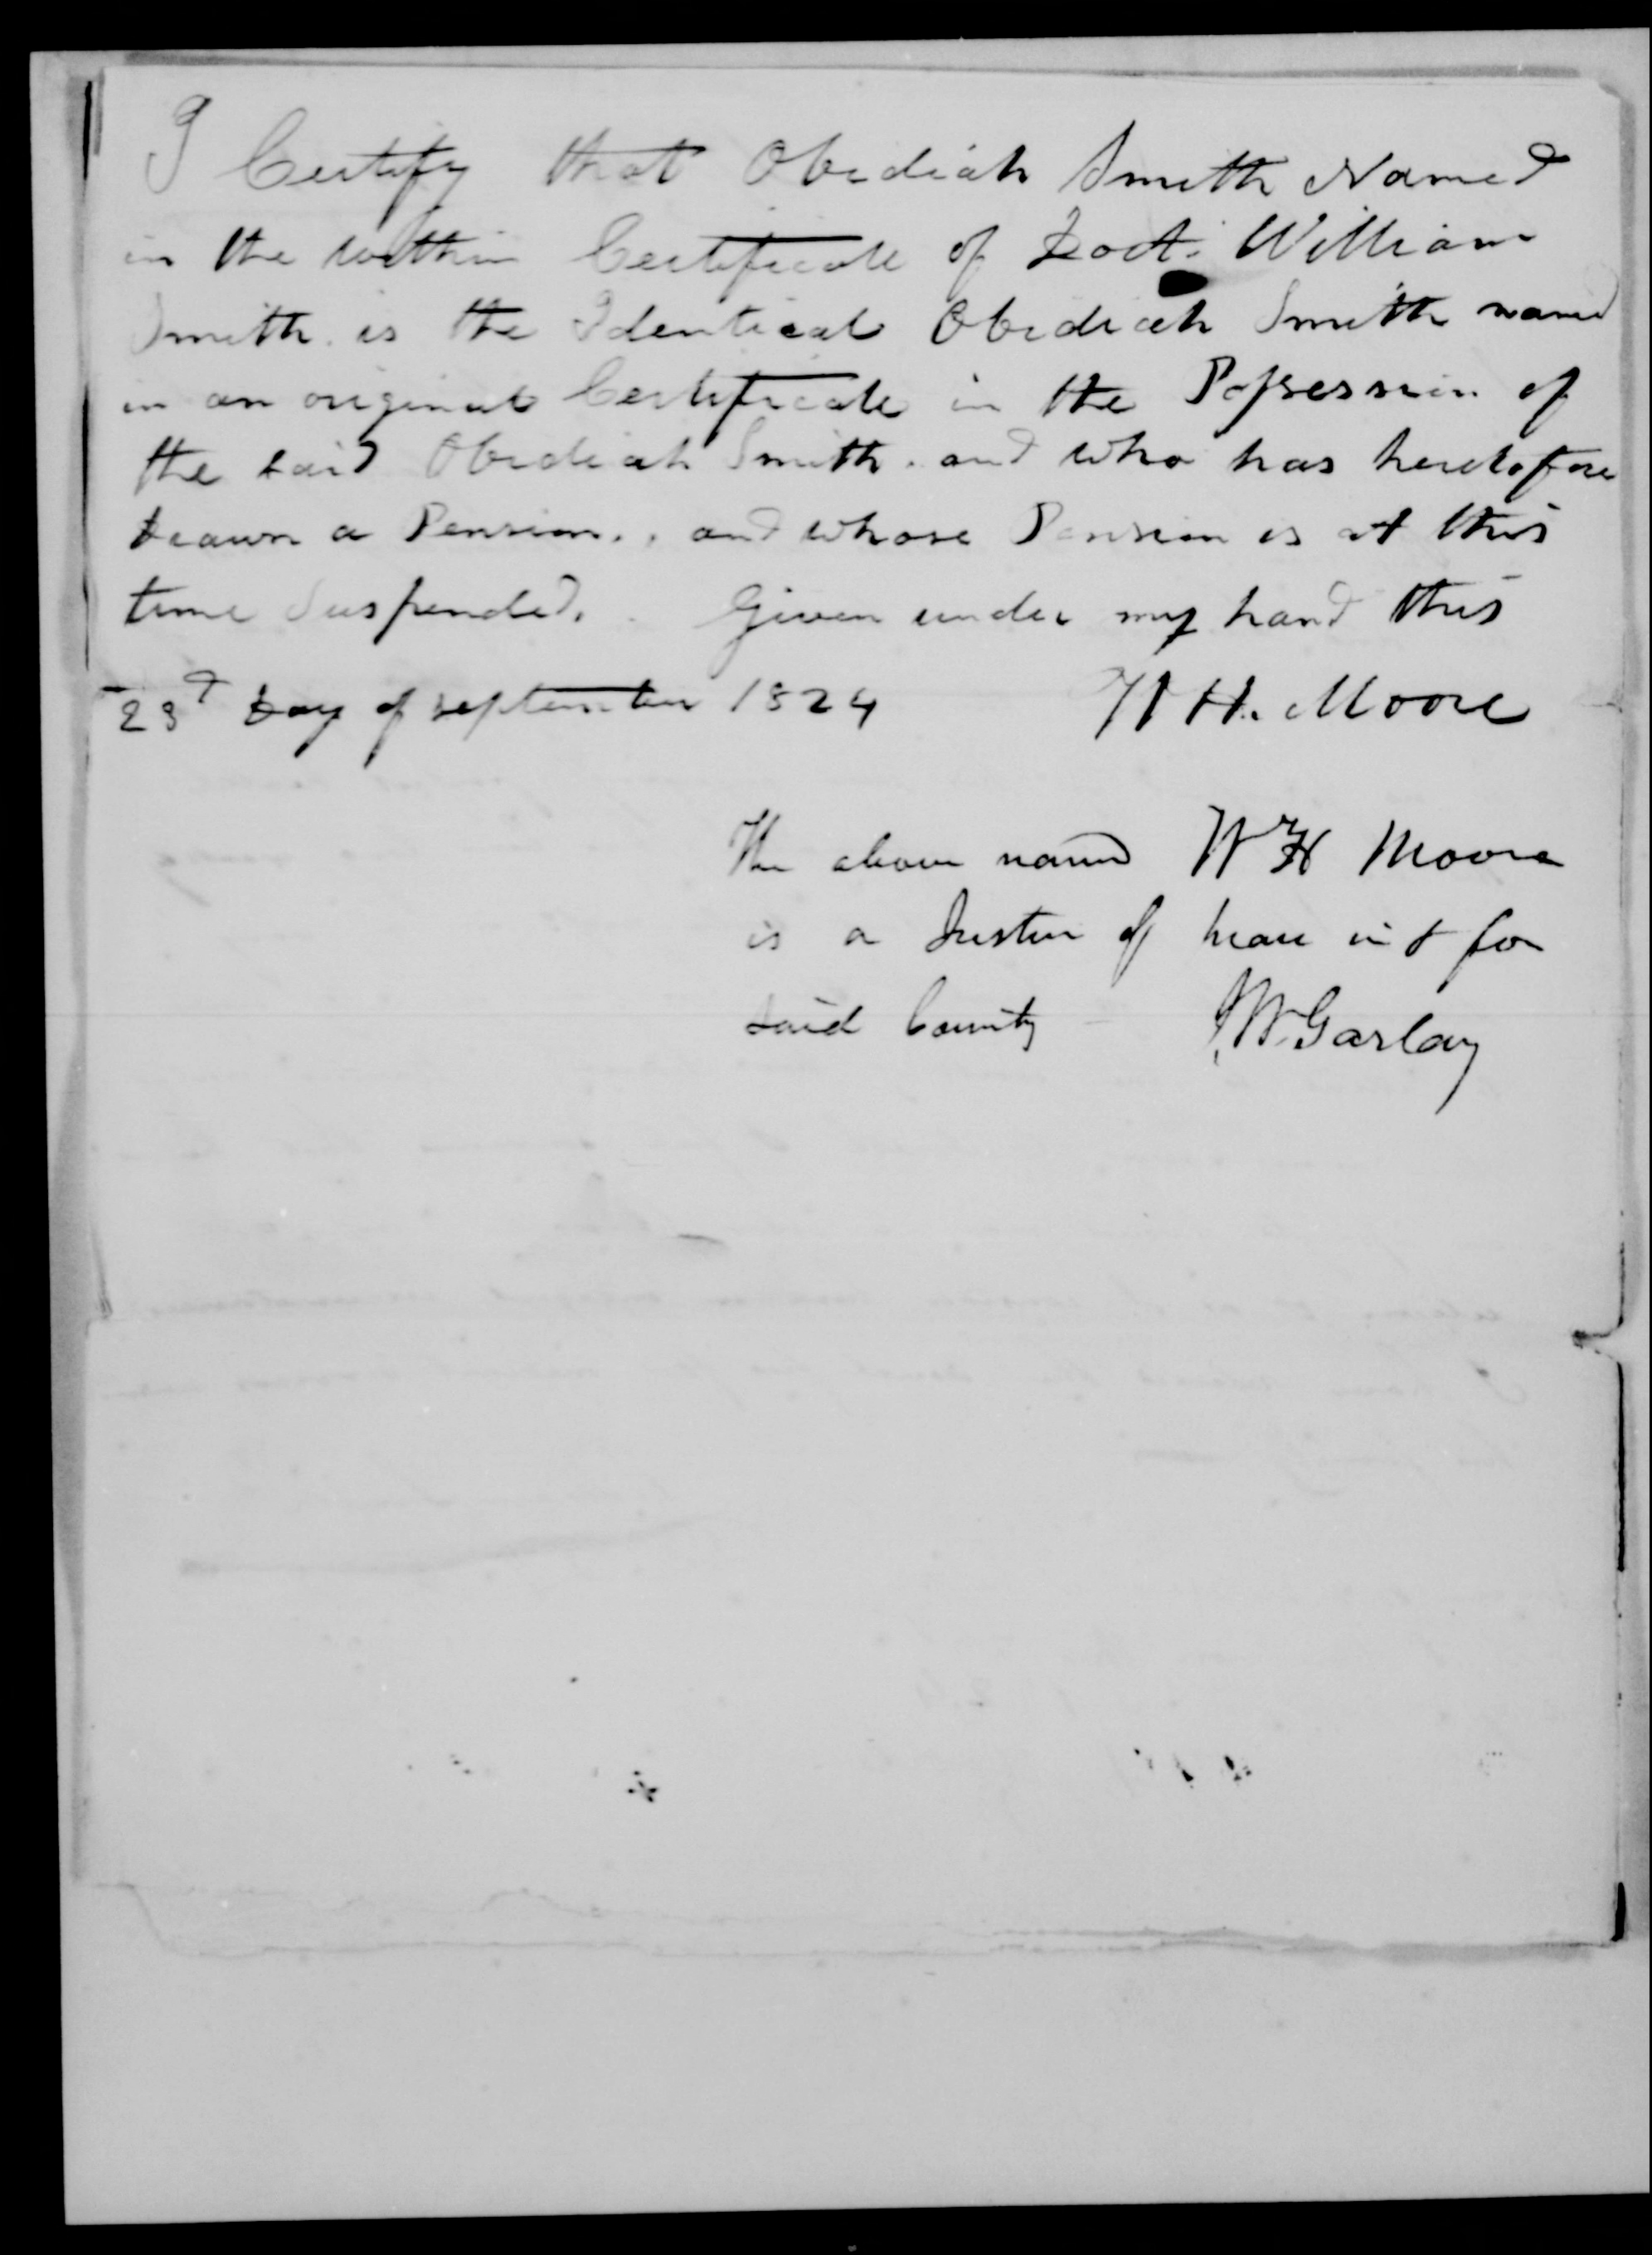I Certify that Obediah Smith Named in the within Certificate of Doct. William Smith is the Identical Obediah Smith named in an original Certificate in the Possession of the said Obediah Smith. and who has heretofore drawn a Pension, and whose Pension is at this time Suspended. Given under my hand this 23d Day of September 1824 [signature:] W H. Moore 
The above named W H Moore is a Justice of Peace in & for said County [signature:] M. Gazley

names: W H Moore; Obediah Smith; J W Gazlay; W H Moore; William Smith; Obediah Smith; Obediah Smith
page: 45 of 66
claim: survivor's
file: S 40458, for Obadiah Smith, New York